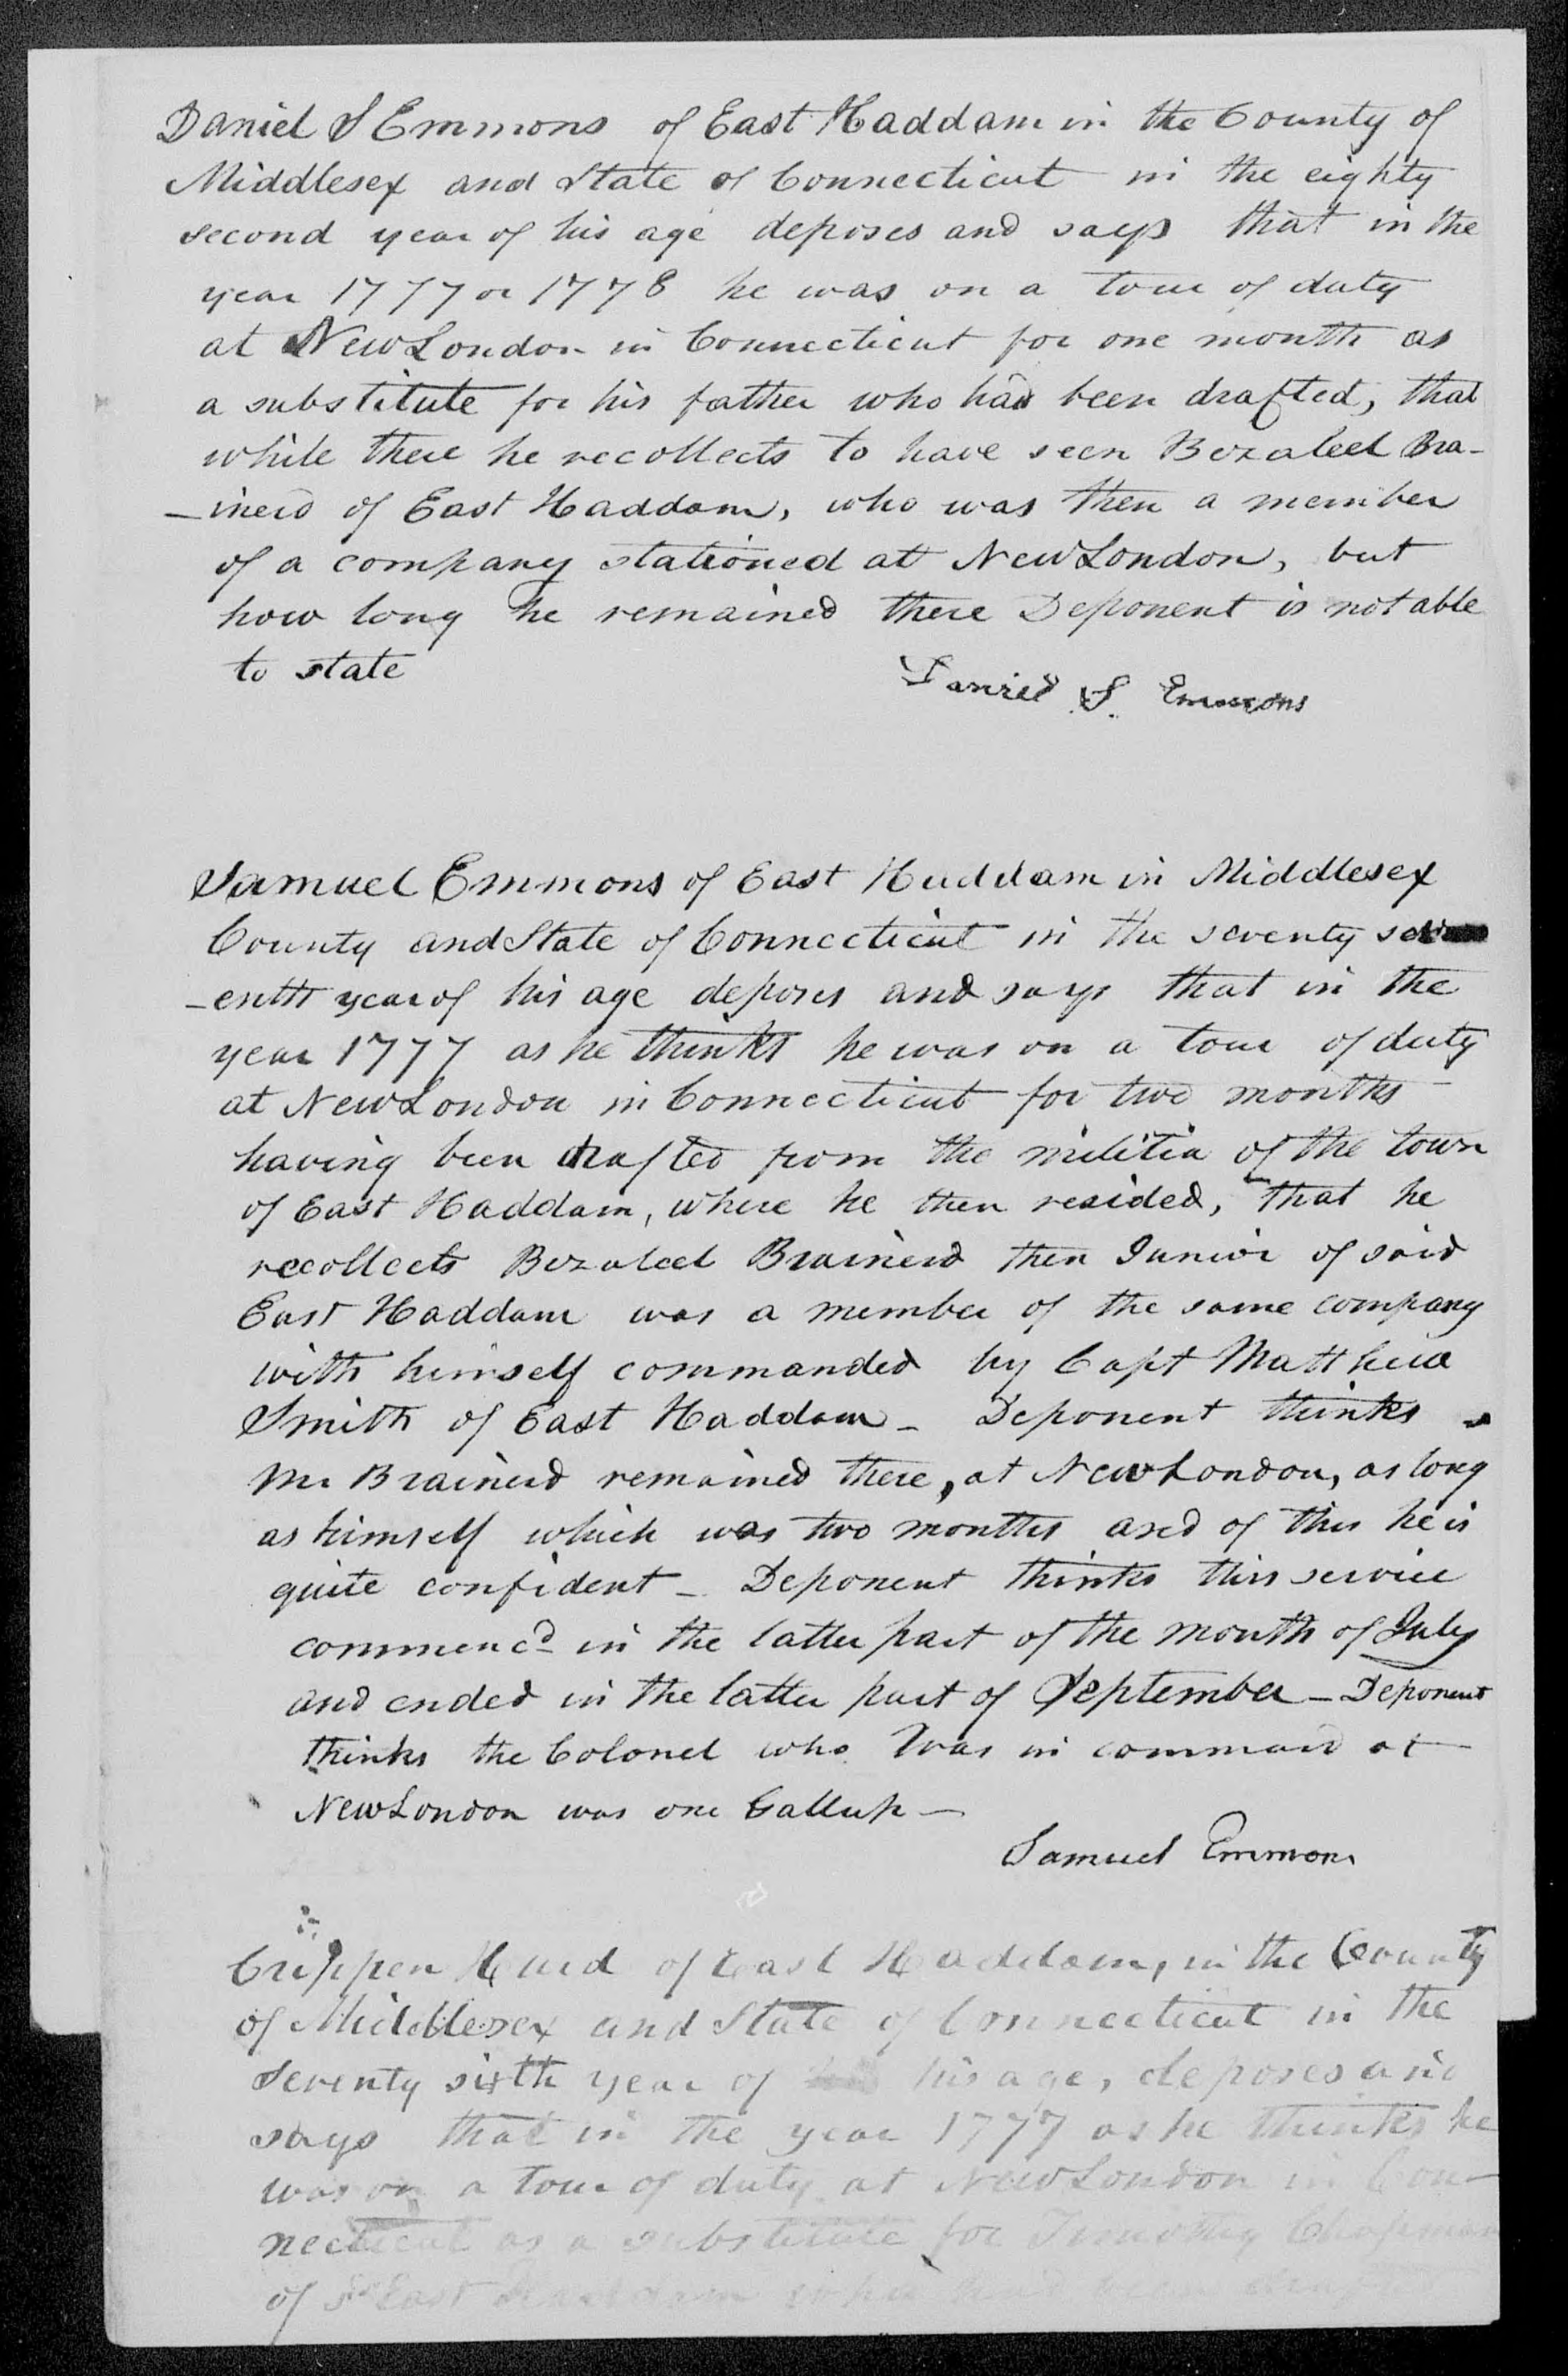Daniel S Emmons of East Haddam in the County of Middlesex and State of Connecticut in the eighty second year of his age deposes and says that in the year 1777 or 1778 he was on a tour of duty at New London in Connecticut for one month as a substitute for his father who had been drafted, that while there he recollects to have seen Bezaleel Brainerd of East Haddam, who was then a member of a company stationed at New London, but how long he remained there deponent is not able to state
[signature] Daniel S Emmons

Samuel Emmons of East Haddam in Middlesex County and State of Connecticut in the seventy seventh year of his age depose and says that in the year 1777 as he thinks he was on a tour of duty at New London in Connecticut for two months having been drafted from the militia of the town of East Haddam, where he then resided, that he recollects Bezaleel Brainerd then Junior of said East Haddam was a member of the same company with himself commanded by Capt Matthew Smith of East Haddam - Deponent thinks Mr Brainerd remained there, at New London, as long as himself which was two months and of this he is quite confident- Deponent thinks this service commenced in the latter part of the month of July and ended in the latter part of September - Deponent thinks the Colonel who was in command of New London was one Gallup -
[signature] Samuel Emmons

Crippen Hurd of East Haddon, in the County of Middlesex and State of Connecticut in the seventy sixth year of his age, deposes and says that in the year 1777 as he thinks he was on a tour of duty at New London in Connecticut as a substitute for Timothy Chapman of East Haddam who had been drafted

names: Brainerd, Daniel S Emmons, Samuel Emmons, Samuel Emmons, Bezaleel Brainerd, Bezaleel Brainerd, Daniel S Emmons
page: 21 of 25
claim: widow's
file: W. 23,671, Bezaleel Brainard, Conn.